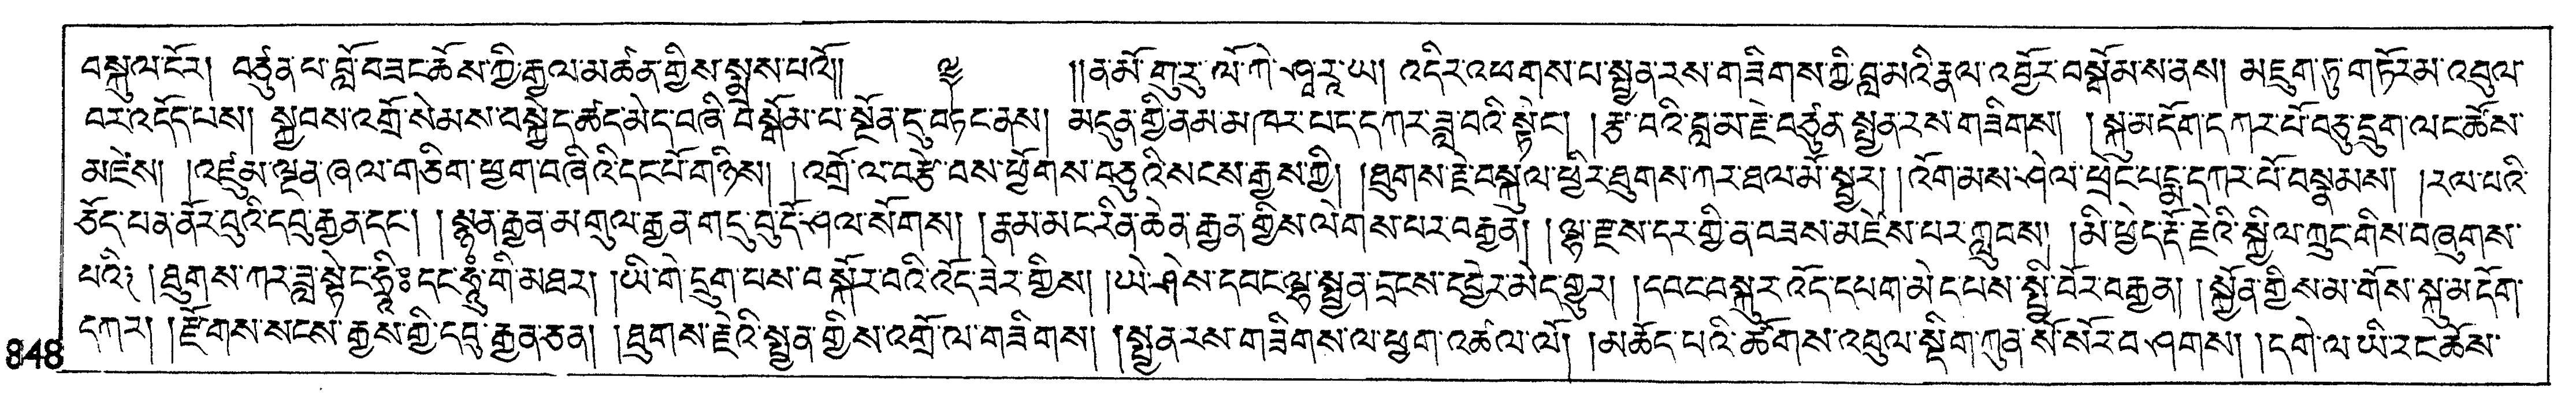བསྐུལ་ངོར། བཙུན་པ་བློ་བཟང་ཆོས་ཀྱི་རྒྱལ་མཚན་གྱིས་སྨྲས་པའོ།། ༈ །།ན་མོ་གུ་རུ་ལོ་ཀེ་ཤཱ་རཱ་ཡ། འདིར་འཕགས་པ་སྤྱན་རས་གཟིགས་ཀྱི་བླ་མའི་རྣལ་འབྱོར་བསྒོམ་ས་ནས། མཇུག་ཏུ་གཏོར་མ་འབུལ་
བར་འདོད་པས། སྐྱབས་འགྲོ་སེམས་བསྐྱེད་ཚད་མེད་བཞི་བསྒོམ་པ་སྔོན་དུ་བཏང་ནས། མདུན་གྱི་ནམ་མཁར་པད་དཀར་ཟླ་བའི་སྟེང་། །རྩ་བའི་བླ་མ་རྗེ་བཙུན་སྤྱན་རས་གཟིགས། །སྐུ་མདོག་དཀར་པོ་བཅུ་དྲུག་ལང་ཚོས་
མཛེས། །འཛུམ་ལྡན་ཞལ་གཅིག་ཕྱག་བཞིའི་དང་པོ་གཉིས། །འགྲོ་ལ་བརྩེ་བས་ཕྱོགས་བཅུའི་སངས་རྒྱས་ཀྱི། །ཐུགས་རྗེ་བསྐུལ་ཕྱིར་ཐུགས་ཀར་ཐལ་མོ་སྦྱར། །འོག་མས་ཤེལ་ཕྲེང་པདམ་དཀར་པོ་བསྣམས། །རལ་པའི་
ཅོད་པན་ནོར་བུའི་དབུ་རྒྱན་དང་། །སྙན་རྒྱན་མགུལ་རྒྱན་གདུ་བུ་དོ་ཤལ་སོགས། །རྣམ་མང་རིན་ཆེན་རྒྱན་གྱིས་ལེགས་པར་བརྒྱན། །ལྷ་རྫས་དར་གྱི་ན་བཟས་མཛེས་པར་ཀླུབས། །མི་ཕྱེད་རྡོ་རྗེའི་སྐྱིལ་ཀྲུང་གིས་བཞུགས་
པའི༑ །ཐུགས་ཀར་ཟླ་སྟེང་ཧྲཱིཿ དང་ཧཱུཾ་གི་མཐར། །ཡི་གེ་དྲུག་པས་བསྐོར་བའི་འོད་ཟེར་གྱིས། །ཡེ་ཤེས་དབང་ལྷ་སྤྱན་དྲངས་དབྱེར་མེད་གྱུར། །དབང་བསྐུར་འོད་དཔག་མེད་པས་སྤྱི་བོར་བརྒྱན། །སྐྱོན་གྱིས་མ་གོས་སྐུ་མདོག་
དཀར། །རྫོགས་སངས་རྒྱས་ཀྱི་དབུ་རྒྱན་ཅན། །ཐུགས་རྗེའི་སྤྱན་གྱིས་འགྲོ་ལ་གཟིགས། །སྤྱན་རས་གཟིགས་ལ་ཕྱག་འཚལ་ལོ། །མཆོད་པའི་ཚོགས་འབུལ་སྡིག་ཀུན་སོ་སོར་བཤགས། །དགེ་ལ་ཡི་རང་ཆོས་